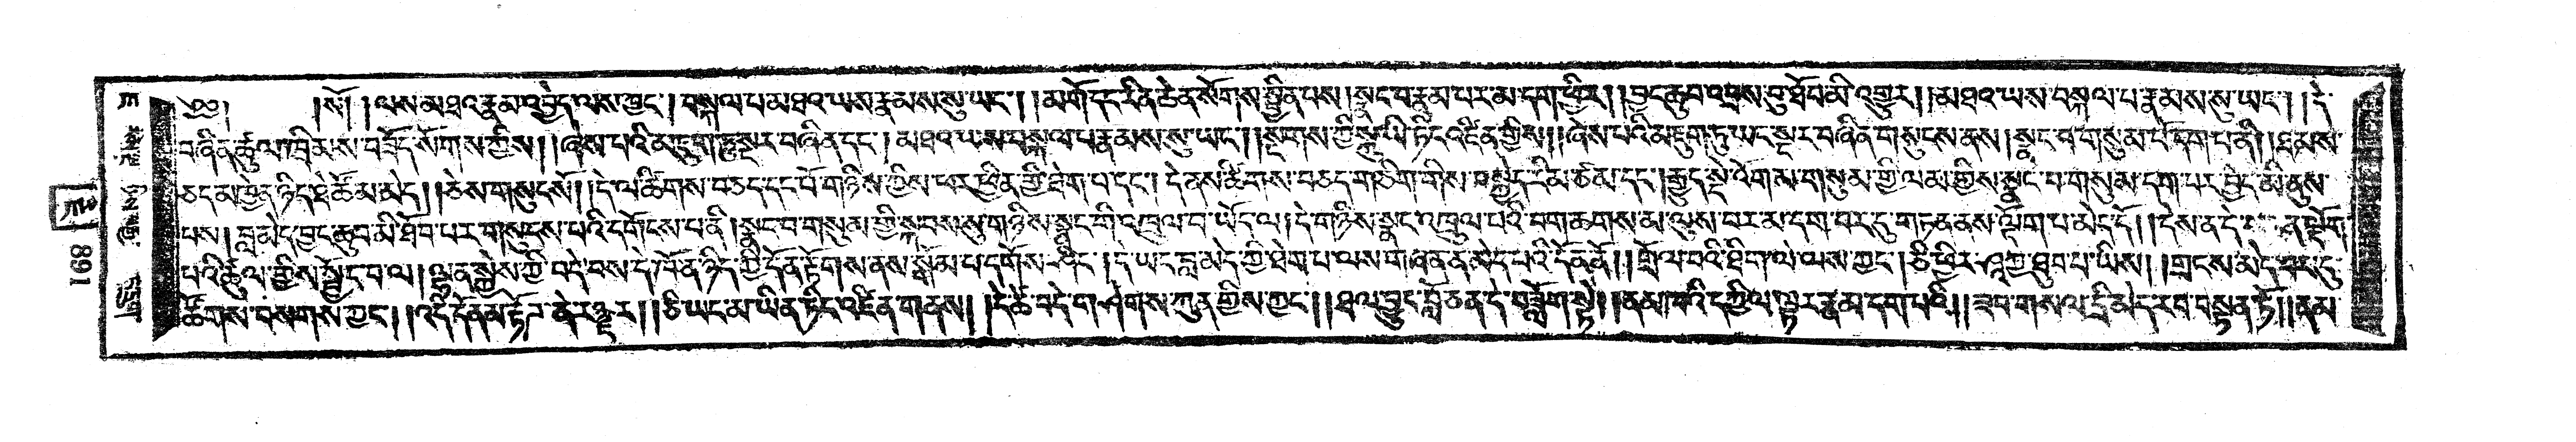༄༅། །སོ། །ལས་མཐའ་རྣམ་འབྱེད་ལས་ཀྱང་། བསྐལ་པ་མཐའ་ཡས་རྣམས་སུ་ཡང་། །མགོ་དང་རིན་ཆེན་སོགས་སྦྱིན་པས། སྣང་བ་རྣམ་པར་མ་དག་ཕྱིར། །བྱང་ཆུབ་འབྲས་བུ་ཐོབ་མི་འགྱུར། །མཐའ་ཡས་བསྐལ་པ་རྣམས་སུ་ཡང་། །དེ་
བཞིན་ཚུལ་ཁྲིམས་བཟོད་སོགས་ཀྱིས། །ཞེས་པའི་མཇུག་ཏུ་སྔར་བཞིན་དང་། མཐའ་ཡས་བསྐལ་པ་རྣམས་སུ་ཡང་། །སྔགས་ཀྱི་སྐུ་ཡི་ཏིང་འཛིན་གྱིས། །ཞེས་པའི་མཇུག་ཏུ་ཡང་སྔར་བཞིན་གསུངས་ནས། སྣང་བ་གསུམ་པོ་དག་པ་ནི། །ཐམས་
ཅད་མཁྱེན་ཉིད་ཐེ་ཚོམ་མེད། །ཅེས་གསུངས་སོ། །དེ་ལ་ཚིགས་བཅད་དང་པོ་གཉིས་ཀྱིས་ཕར་ཕྱིན་གྱི་ཐེག་པ་དང་། དེ་ནས་ཚིགས་བཅད་གཅིག་གིས་བསྐྱེད་རིམ་ཙམ་དང་། རྒྱུད་སྡེ་འོག་མ་གསུམ་གྱི་ལམ་གྱིས་སྣང་བ་གསུམ་དག་པར་བྱེད་མི་ནུས་
པས། བླ་མེད་བྱང་ཆུབ་མི་ཐོབ་པར་གསུངས་པའི་དགོངས་པ་ནི། སྣང་བ་གསུམ་གྱི་སྐབས་སུ་གཉིས་སྣང་གི་འཁྲུལ་བ་ཡོད་ལ། དེ་གཉིས་སྣང་འཁྲུལ་པའི་བག་ཆགས་མ་ལུས་པར་མ་དག་པར་དུ་གཏན་ནས་ལྡོག་པ་མེད་དོ། །དེས་ན་དེ་གཏན་ལྡོག་
པའི་ཚུལ་གྱིས་སྦྱོང་བ་ལ། ལྷན་སྐྱེས་ཀྱི་བདེ་བས་དེ་ཁོ་ན་ཉིད་ཀྱི་དོན་རྟོགས་ནས་སྒོམ་པ་དགོས་ཤིང་། དེ་ཡང་བླ་མེད་ཀྱི་ཐེག་པ་ལས་གཞན་ན་མེད་པའི་དོན་ནོ། །གྲོལ་བའི་ཐིག་ལེ་ལས་ཀྱང་། ཅི་ཕྱིར་ཤཱཀྱ་ཐུབ་པ་ཡིས། །གྲངས་མེད་བར་དུ་
ཚོགས་བསགས་ཀྱང་། །འདི་དོན་མ་རྟོགས་ནེ་རཉྫར། །ཅི་ཡང་མ་ཡིན་ཏིང་འཛིན་གནས། །དེ་ཚེ་བདེ་གཤེགས་ཀུན་གྱིས་ཀྱང་། །ཐལ་བྱུང་བློ་ཅན་དེ་བཟློག་སྟེ། །ནམ་མཁའི་དཀྱིལ་ལྟར་རྣམ་དག་པའི། །ཟབ་གསལ་དྲི་མེད་རབ་བསྟན་ཏོ། །ནམ་